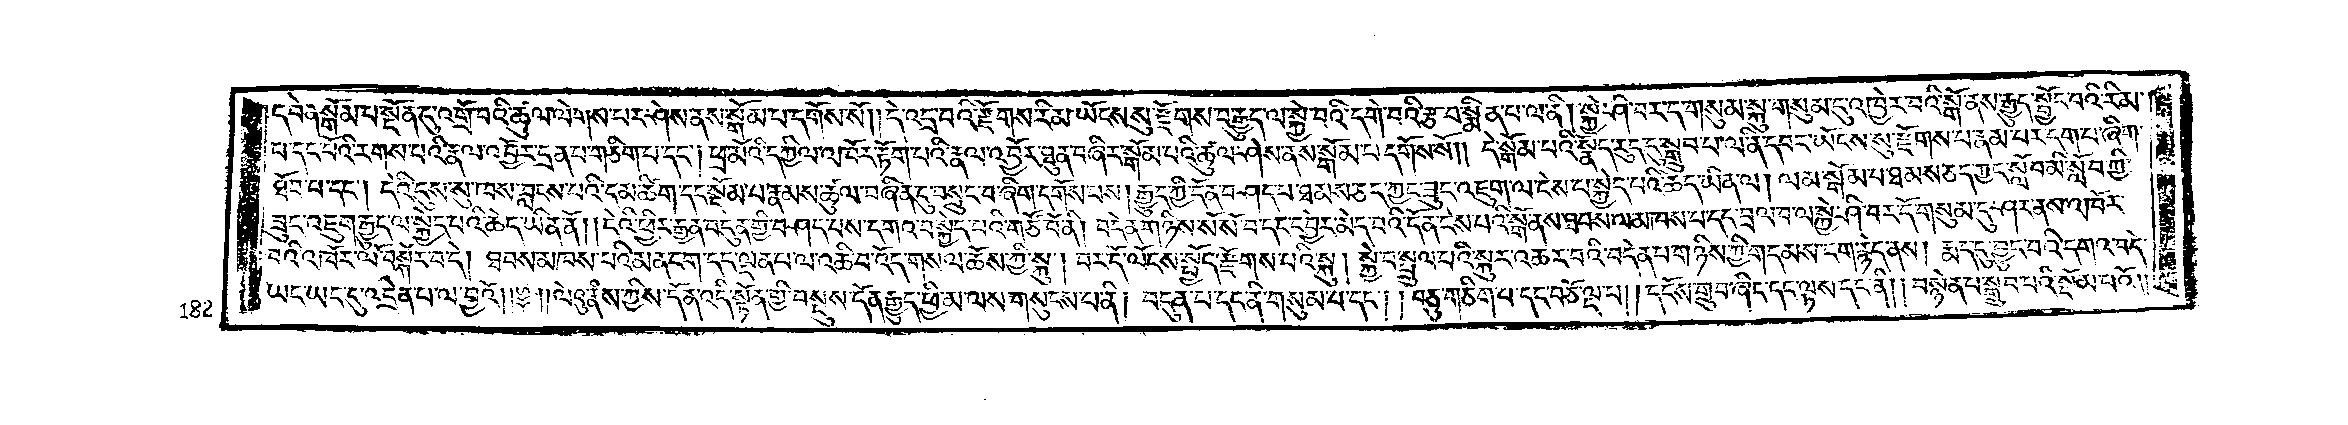དབེན་སྒོམ་པ་སྔོན་དུ་འགྲོ་བའི་ཚུལ་ལེགས་པར་ཤེས་ནས་སྒོམ་པ་དགོས་སོ། །དེ་འདྲ་བའི་རྫོགས་རིམ་ཡོངས་སུ་རྫོགས་བ་རྒྱུད་ལ་སྐྱེ་བའི་དགེ་བའི་རྩ་བ་སྨིན་པ་ལ་ནི། སྐྱེ་ཤི་བར་ད་གསུམ་སྐུ་གསུམ་དུ་འཁྱེར་བའི་སྒོ་ནས་རྒྱུད་སྦྱོང་བའི་རིམ་
པ་དང་པོའི་རགས་པའི་རྣལ་འབྱོར་དྲན་པ་གཅིག་པ་དང་། ཕྲ་མོའི་དཀྱིལ་འཁོར་རྟོག་པའི་རྣལ་འབྱོར་ཐུན་བཞིར་སྒོམ་པའི་ཚུལ་ཤེས་ནས་སྒོམ་པ་དགོས་སོ། །དེ་སྒོམ་པའི་སྣོད་རུད་དུ་སྒྲུབ་པ་ལ་ནི་དབང་ཡོངས་སུ་རྫོགས་པ་རྣམ་པར་དག་པ་ཞིག་
ཐོབ་པ་དང་། དེའི་དུས་སུ་ཁས་བླངས་པའི་དམ་ཚིག་དང་སྡོམ་པ་རྣམས་ཚུལ་བཞིན་དུ་བསྲུང་བ་ཞིག་དགོས་པས། རྒྱུད་ཀྱི་དོན་བཤད་པ་ཐམས་ཅད་ཀྱང་ཟུང་འཇུག་ལ་ངེས་པ་སྐྱེད་པའི་ཆེད་ཡིན་ལ། ལམ་སྒོམ་པ་ཐམས་ཅད་ཀྱང་སློབ་མི་སློབ་ཀྱི་
ཟུང་འཇུག་རྒྱུད་ལ་སྐྱེད་པའི་ཆེད་ཡིན་ནོ། །དེའི་ཕྱིར་རྒྱན་བདུན་གྱི་བཤད་པས་དགའ་བསྐྱེད་པའི་གཙོ་བོ་ནི། བདེན་གཉིས་སོ་སོ་བ་དང་དབྱེར་མེད་པའི་དོན་ངེས་པའི་སྒོ་ནས་ཐབས་ལ་མཁས་པ་དང་བྲལ་བ་ལ་སྐྱེ་ཤི་བར་དོ་གསུམ་དུ་ཤར་ནས་འཁོར་
བའི་འཁོར་ལོ་བསྐོར་བ་དེ། ཐབས་མཁས་པའི་མན་ངག་དང་ལྡན་པ་ལ་འཆི་བ་འོད་གསལ་ཆོས་ཀྱི་སྐུ། བར་དོ་ལོངས་སྤྱོད་རྫོགས་པའི་སྐུ། སྐྱེ་བ་སྤྲུལ་པའི་སྐུར་འཆར་བའི་བདེན་པ་གཉིས་ཀྱི་གདམས་ངག་རྙེད་ནས། རྨད་དུ་བྱུང་བའི་དགའ་བདེ་
ཡང་ཡང་དུ་འདྲེན་པ་ལ་བྱའོ།། ༈ །།ལེའུ་རྣམས་ཀྱིས་དོན་འདི་སྟོན་གྱི་བསྡུས་དོན་རྒྱུད་ཕྱི་མ་ལས་གསུངས་པ་ནི། བདུན་པ་དང་ནི་གསུམ་པ་དང་། །བཅུ་གཅིག་པ་དང་བཅོ་ལྔ་པ། །དངོས་གྲུབ་ཞིང་དང་ལྟས་དང་ནི། །བསྙེན་པ་སྒྲུབ་པའི་སྡོམ་པའོ། །